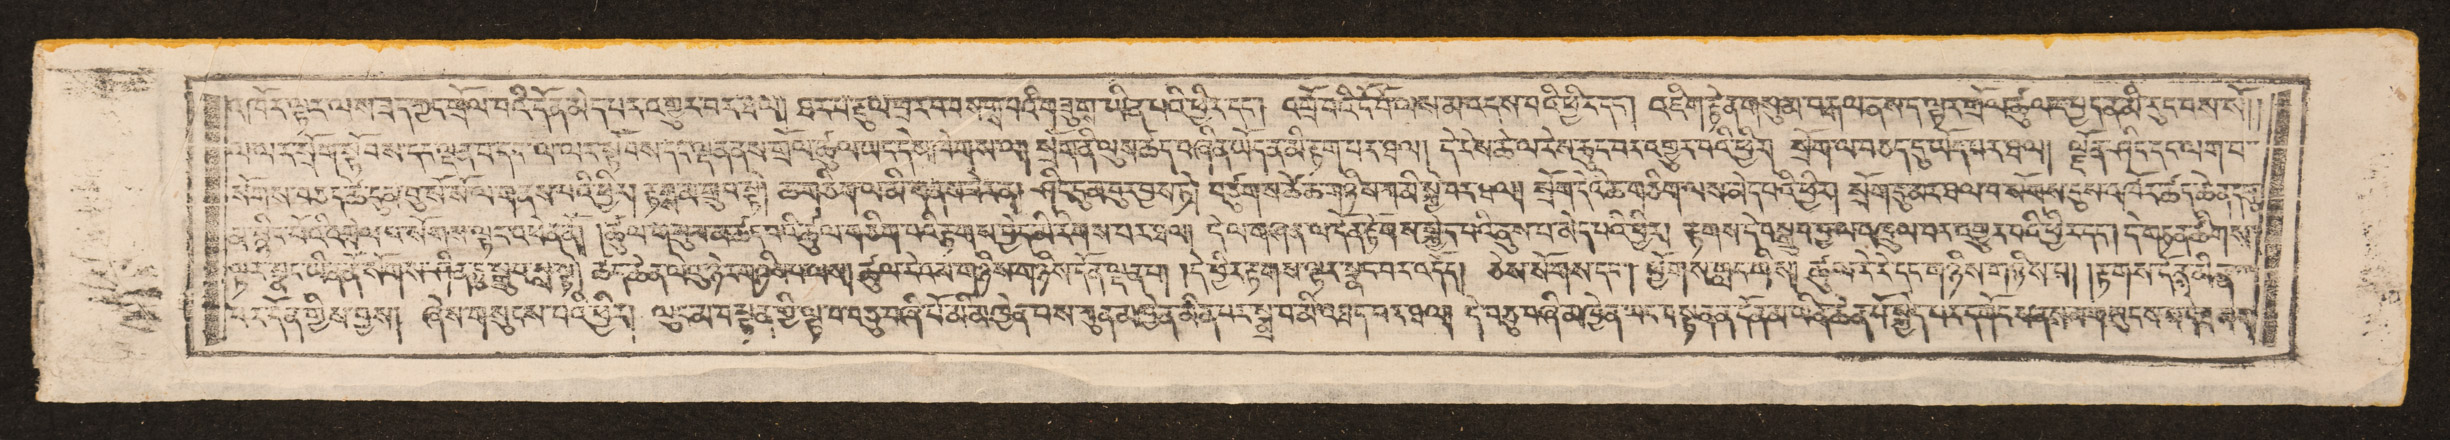འཁོར་ལྟར་ལས་ཟད་ཀྱང་གྲོལ་བའི་དོན་མེད་པར་འགྱུར་བར་ཐལ། ཐར་བརྡུལ་ཕྲ་རབ་བསགས་པའི་གཟུགས་ཡིན་པའི་ཕྱིར་དང་། འགྲོ་བའི་ངོ་བོ་ལས་མ་འདས་པའི་ཕྱིར་དང་། འཇིག་རྟེན་གསུམ་བརྒལ་ནས་ད་ལྟར་གྲོལ་ཚུལ་དཔྱད་ན་མི་རུང་བས་སོ།།
ལ་ལར་སྲོག་སྟོབས་དང་ལྡན་པ་དང་ལ་ལར་སྟོབས་དང་ལྡན་ནས་གྲོལ་ཚུལ་ཡང་དེས་ཁེ་གསལ། སྲོག་ནི་ལུས་ཚད་བཞིན་ཡོད་ན་མི་རྟག་པར་ཐལ། དེ་རེས་ཆེ་ལ་རེས་ཆུང་བར་འགྱུར་པའི་ཕྱིར། སྲོག་ལ་བཅད་དུ་ཡོད་པར་ཐལ། ལྗོན་ཤིང་དང་ལག་པ་
སོགས་བཅད་ཚེ་དུམ་བུ་སོ་སོ་ལ་གནས་པའི་ཕྱིར། རྟགས་མ་གྲུབ་སྟེ། ཆ་གཅིག་ལ་མི་གནས་ཟེར་ན། ཤིང་དུམ་བུར་བྱས་ཏེ། བཙུགས་ཚེ་ཆ་གཉིས་ཀ་མི་སྐྱེ་བར་ཐལ། སྲོག་དེའི་ཆ་གཅིག་ལས་མེད་པའི་ཕྱིར། སྲོག་དུ་མར་ཐལ་བ་སོགས་དུས་འཁོར་ཚད་ཆེན་དབུ་
མ་སྙིང་པོའི་འགྲེལ་པ་སོགས་ལྟར་འཕེན་ནོ། །ཚུལ་གསུམ་མ་ཚང་བའི་ཚུལ་གཅིག་པའི་རྟགས་བྱེད་མི་རིགས་པར་ཐལ། དེ་ལ་གཞན་ལ་དོན་རྟོགས་སྐྱེད་པའི་ནུས་པ་མེད་པའི་ཕྱིར། རྟགས་དེ་བསྒྲུབ་བྱ་ལ་འཁྲུལ་བར་འགྱུར་བའི་ཕྱིར་དང་། དེ་གཏན་ཚིགས་
ལྟར་སྣང་ཡིན་ནོ་སོགས་ཤིན་ཏུ་སྒྲུབ་སླ་སྟེ། ཚད་ཆེན་ལེའུ་ཉེར་གཉིས་པ་ལས། ཚུལ་རེའམ་གཉིས་གཉིས་དོན་ལྡན་པ། །དེ་ཕྱིར་རྟགས་ལྟར་སྣང་བར་འདོད། ཅེས་སོགས་དང་། ཕྱོགས་གླང་གིས། ཚུལ་རེ་རེ་དང་གཉིས་གཉིས་པ། །རྟགས་དོན་མིན་
བར་དོན་གྱིས་བྱས། ཞེས་གསུངས་པའི་ཕྱིར། ལུང་མ་བསྟན་གྱི་ལྟ་བ་བཅུ་བཞི་པོ་མི་མཁྱེན་པས་ཀུན་མཁྱེན་མིན་པར་སྨྲ་བ་མི་འཐད་པར་ཐལ། ད་བཅུ་བཞི་མཁྱེན་ཡང་བསྟན་ན་དོན་མ་ཡིན་ཆེན་པོ་སྐྱེད་པར་དགོངས་ནས་མ་གསུངས་པ་དེ་ཐམས་